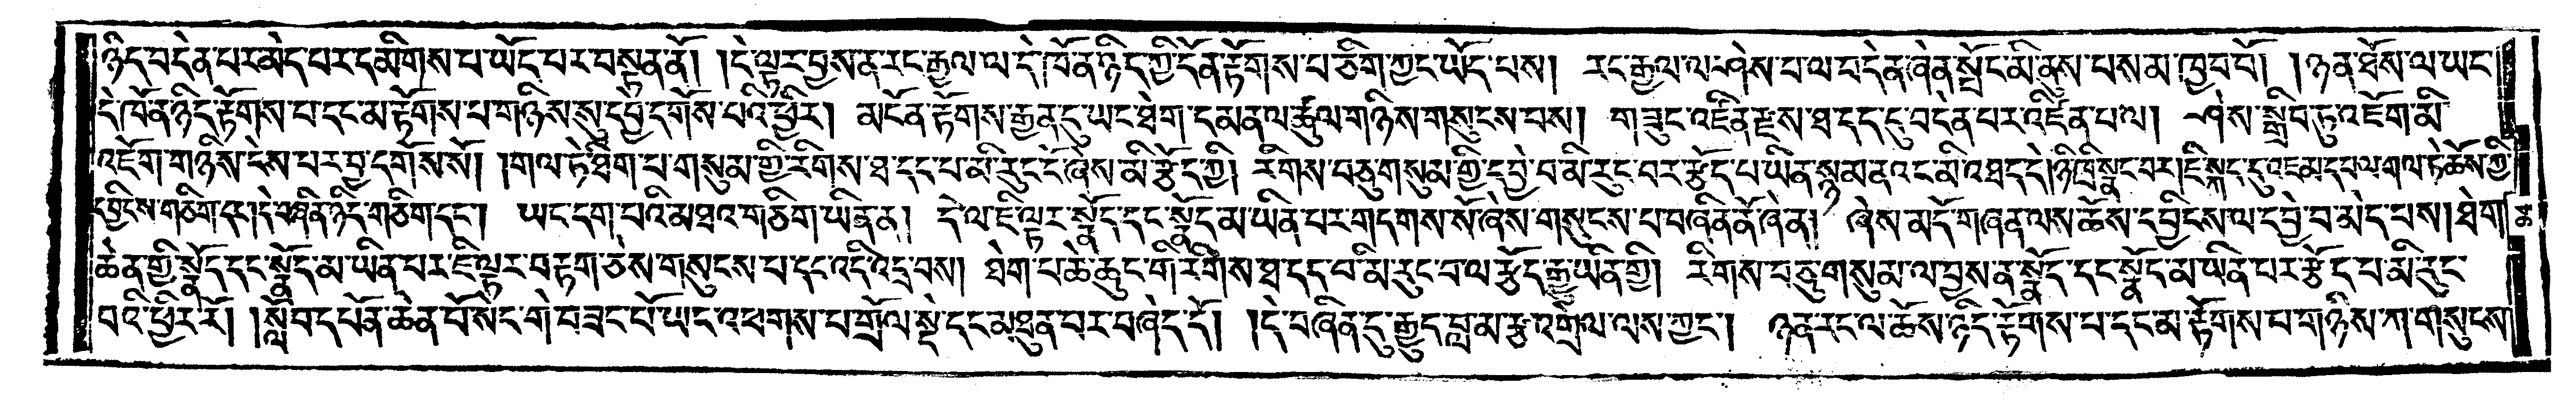ཉིད་བདེན་པར་མེད་པར་དམིགས་པ་ཡོད་པར་བསྟན་ནོ། །དེ་ལྟར་བྱས་ན་རང་རྒྱལ་ལ་དེ་ཁོ་ན་ཉིད་ཀྱི་དོན་རྟོགས་པ་ཅིག་ཀྱང་ཡོད་པས། རང་རྒྱལ་ལ་ཤེས་པ་ལ་བདེན་ཞེན་སྤོང་མི་ནུས་པས་མ་ཁྱབ་བོ། །ཉན་ཐོས་ལ་ཡང་
དེ་ཁོ་ན་ཉིད་རྟོགས་པ་དང་མ་རྟོགས་པ་གཉིས་སུ་དབྱེ་དགོས་པའི་ཕྱིར། མངོན་རྟོགས་རྒྱན་དུ་ཡང་ཐེག་དམན་ལ་ཚུལ་གཉིས་གསུངས་པས། གཟུང་འཛིན་རྫས་ཐ་དད་དུ་བདེན་པར་འཛིན་པ་ལ། ཤེས་སྒྲིབ་ཏུ་འཇོག་མི་
འཇོག་གཉིས་ངེས་པར་བྱ་དགོས་སོ། །གལ་ཏེ་ཐེག་པ་གསུམ་གྱི་རིགས་ཐ་དད་པ་མི་རུང་ངོ་ཞེས་མི་རྩོད་ཀྱི། རིགས་བཅུ་གསུམ་གྱི་དབྱེ་བ་མི་རུང་བར་རྩོད་པ་ཡིན་སྙམ་ནའང་མི་འཐད་དེ། ཉི་ཁྲི་སྣང་བར་ཇི་སྐད་དུ་འཇམ་དཔལ་གལ་ཏེ་ཆོས་ཀྱི་
དབྱིངས་གཅིག་དང་། དེ་བཞིན་ཉིད་གཅིག་དང་། ཡང་དག་པའི་མཐའ་གཅིག་ཡིན་ན། དེ་ལ་ཇི་ལྟར་སྣོད་དང་སྣོད་མ་ཡིན་པར་གདགས་སོ་ཞེས་གསུངས་པ་བཞིན་ནོ་ཞེ་ན། ཞེས་མདོ་གཞན་ལས་ཆོས་དབྱིངས་ལ་དབྱེ་བ་མེད་པས། ཐེག་
ཆེན་གྱི་སྣོད་དང་སྣོད་མ་ཡིན་པར་ཇི་ལྟར་བརྟག་ཅེས་གསུངས་པ་དང་འདི་འདྲ་བས། ཐེག་པ་ཆེ་ཆུང་གི་རིགས་ཐ་དད་པ་མི་རུང་བ་ལ་རྩོད་རྒྱུ་ཡིན་གྱི། རིགས་བཅུ་གསུམ་ལ་བྱས་ན་སྣོད་དང་སྣོད་མ་ཡིན་པར་རྩོད་པ་མི་རུང་
བའི་ཕྱིར་རོ། །སློབ་དཔོན་ཆེན་པོ་སེང་གེ་བཟང་པོ་ཡང་འཕགས་པ་གྲོལ་སྡེ་དང་མཐུན་པར་བཞེད་དོ། །དེ་བཞིན་དུ་རྒྱུད་བླ་མ་རྩ་འགྲེལ་ལས་ཀྱང་། ཉན་རང་ལ་ཆོས་ཉིད་རྟོགས་པ་དང་མ་རྟོགས་པ་གཉིས་ཀ་གསུངས་